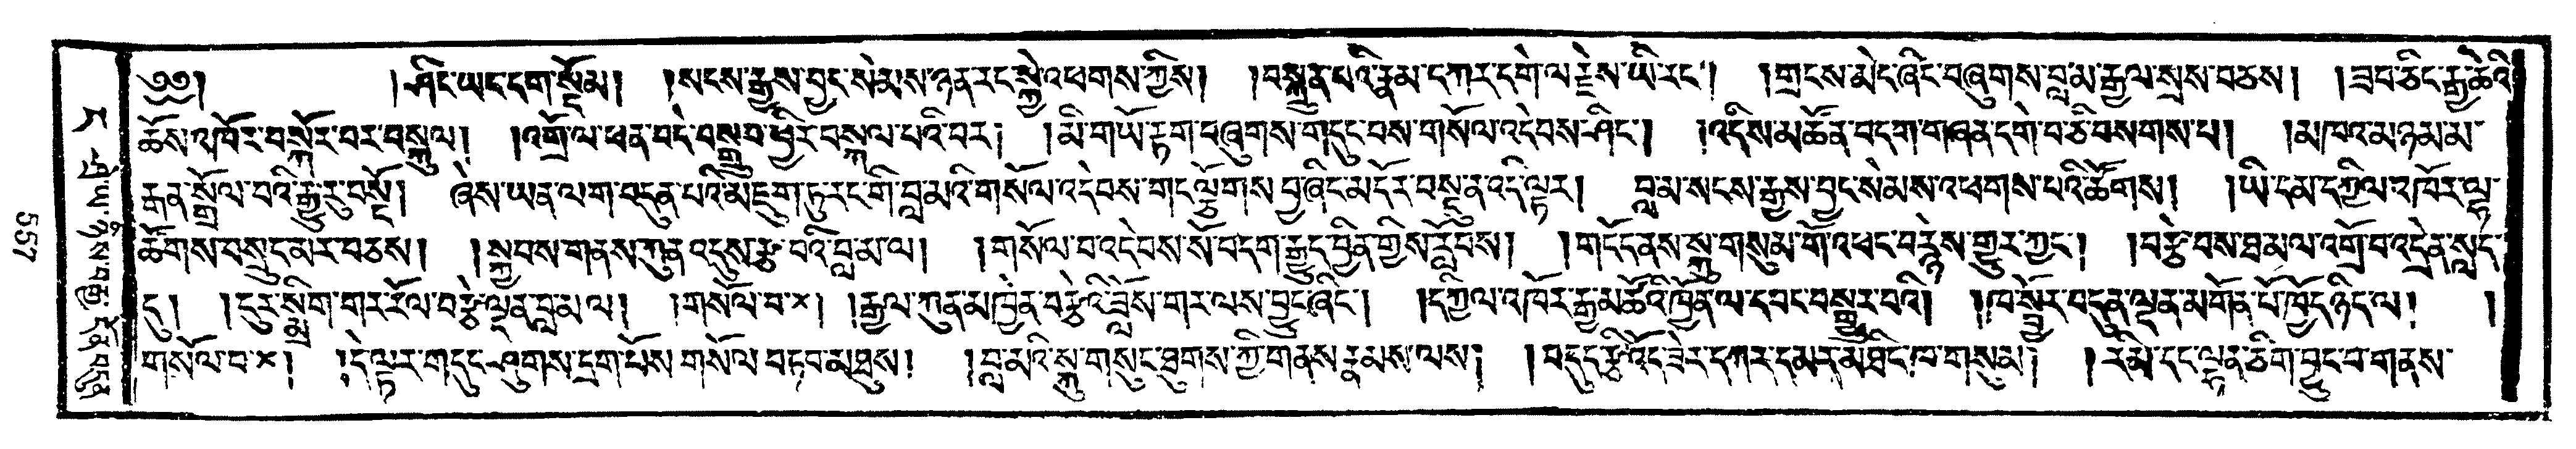༄༅། །ཤིང་ཡང་དག་སྡོམ། །སངས་རྒྱས་བྱང་སེམས་ཉན་རང་སྐྱེ་འཕགས་ཀྱིས། །བསྐྲུན་པའི་རྣམ་དཀར་དགེ་ལ་རྗེས་ཡི་རང་། །གྲངས་མེད་ཞིང་བཞུགས་བླ་མ་རྒྱལ་སྲས་བཅས། །ཟབ་ཅིང་རྒྱ་ཆེའི་
ཆོས་འཁོར་བསྐོར་བར་བསྐུལ། །འགྲོ་ལ་ཕན་བདེ་བསྒྲུབ་ཕྱིར་བསྐལ་པའི་བར། །མི་གཡོ་རྟག་བཞུགས་གདུང་བས་གསོལ་འདེབས་ཤིང་། །འདིས་མཚོན་བདག་གཞན་དགེ་བ་ཅི་བསགས་པ། །མཁའ་མཉམ་མ་
རྒན་སྒྲོལ་བའི་རྒྱུ་རུ་བསྔོ། ཞེས་ཡན་ལག་བདུན་པའི་མཇུག་ཏུ་རང་གི་བླ་མའི་གསོལ་འདེབས་གང་ལྕོགས་བྱ་ཞིང་མདོར་བསྡུ་ན་འདི་ལྟར། བླ་མ་སངས་རྒྱས་བྱང་སེམས་འཕགས་པའི་ཚོགས། །ཡི་དམ་དཀྱིལ་འཁོར་ལྷ་
ཚོགས་བསྲུང་མར་བཅས། །སྐྱབས་གནས་ཀུན་འདུས་རྩ་བའི་བླ་མ་ལ། །གསོལ་བ་འདེབས་སོ་བདག་རྒྱུད་བྱིན་གྱིས་རློབས། །གདོད་ནས་སྐུ་གསུམ་གོ་འཕང་བརྙེས་གྱུར་ཀྱང་། །བརྩེ་བས་ཐ་མལ་འགྲོ་བ་འདྲེན་སླད་
དུ། །དུར་སྨྲིག་གར་རོལ་བརྩེ་ལྡན་བླ་མ་ལ། །གསོལ་བ་྾། །རྒྱལ་ཀུན་མཁྱེན་བརྩེའི་ཟློས་གར་ལས་བྱུང་ཞིང་། །དཀྱིལ་འཁོར་རྒྱ་མཚོའི་ཁྱོན་ལ་དབང་བསྒྱུར་བའི། །ཁ་སྦྱོར་བདུན་ལྡན་མགོན་པོ་ཁྱོད་ཉིད་ལ། །
གསོལ་བ་྾། །དེ་ལྟར་གདུང་ཤུགས་དྲག་པོས་གསོལ་བཏབ་མཐུས། །བླ་མའི་སྐུ་གསུང་ཐུགས་ཀྱི་གནས་རྣམས་ལས། །བདུད་རྩི་འོད་ཟེར་དཀར་དམར་མཐིང་ཁ་གསུམ། །རིམ་དང་ལྷན་ཅིག་བྱུང་བ་གནས་